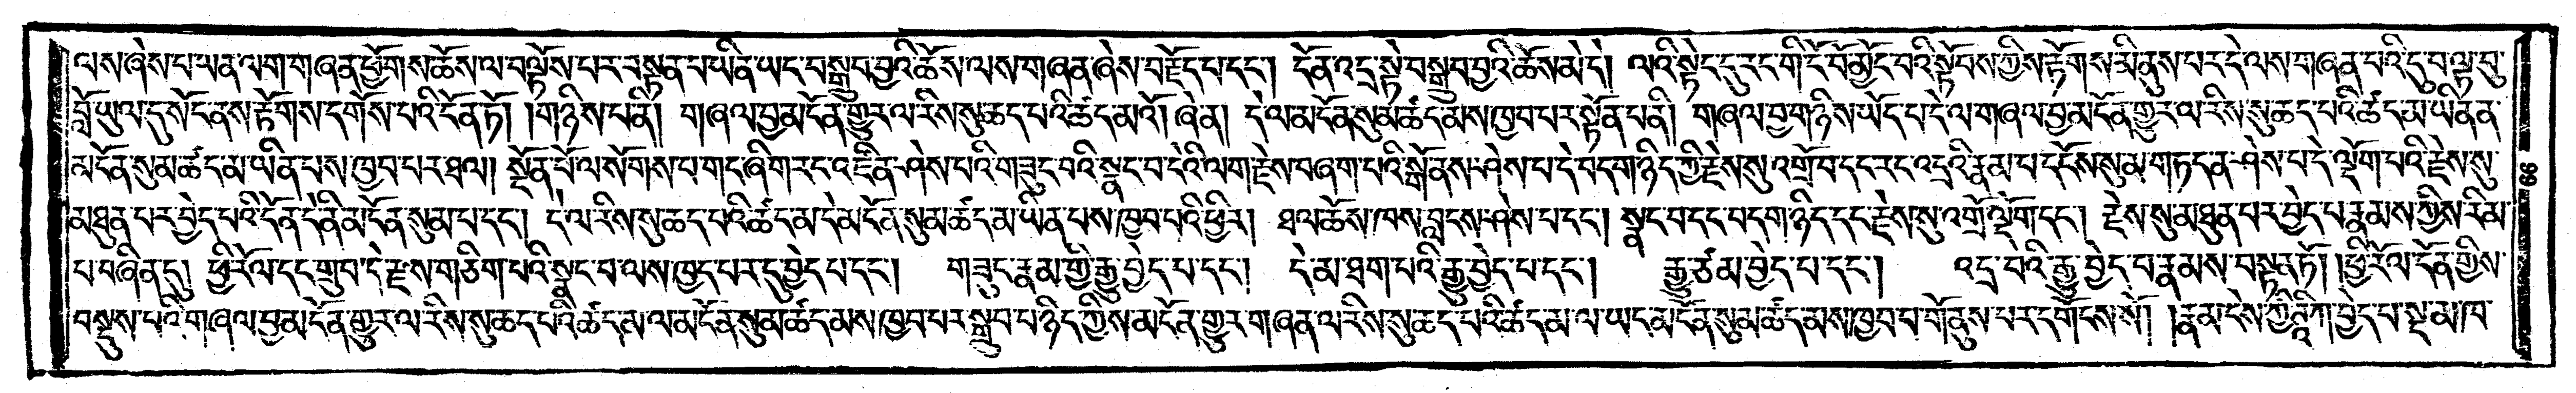ལས་ཞེས་པ་ཡན་ལག་གཞན་ཕྱོགས་ཆོས་ལ་བལྟོས་པར་བསྟན་པ་ཡིན་ཡང་བསྒྲུབ་བྱའི་ཆོས་ལས་གཞན་ཞེས་བརྗོད་པ་དང་། དོན་འདྲ་སྟེ་བསྒྲུབ་བྱའི་ཆོས་མེད་དེ། ལའི་སྟེང་དུ་རང་གི་ངོ་བོ་མྱོང་བའི་སྟོབས་ཀྱིས་རྟོགས་མི་ནུས་པར་དེ་ལས་གཞན་པའི་དུ་བ་ལྟ་བུ་
བློ་ཡུལ་དུ་སོང་ནས་རྟོགས་དགོས་པའི་དོན་ཏོ། །གཉིས་པ་ནི། གཞལ་བྱ་མངོན་གྱུར་ལ་རིས་སུ་ཆད་པའི་ཚད་མའོ། །ཞེ་ན། དེ་ལ་མངོན་སུམ་ཚད་མས་ཁྱབ་པར་སྟོན་པ་ནི། གཞལ་བྱ་གཉིས་ཡོད་པ་དེ་ལ་གཞལ་བྱ་མངོན་གྱུར་ལ་རིས་སུ་ཆད་པའི་ཚད་མ་ཡིན་ན་
མངོན་སུམ་ཚད་མ་ཡིན་པས་ཁྱབ་པར་ཐལ། སྔོན་པོ་ལ་སོགས་པ་གང་ཞིག་རང་འཛིན་ཤེས་པའི་གཟུང་བའི་སྣང་བ་དེའི་ལག་རྗེས་བཞག་པའི་སྒོ་ནས་ཤེས་པ་དེ་བདག་ཉིད་ཀྱི་རྗེས་སུ་འགྲོ་བ་དང་རང་འདྲའི་རྣམ་པ་དངོས་སུམ་གཏད་ན་ཤེས་པ་དེ་ལྡོག་པའི་རྗེས་སུ་
མཐུན་པར་བྱེད་པའི་དོན་དེ་ནི་མངོན་སུམ་པ་དང་། དེ་ལ་རིས་སུ་ཆད་པའི་ཚད་མ་དེ་མངོན་སུམ་ཚད་མ་ཡིན་པས་ཁྱབ་པའི་ཕྱིར། ཐལ་ཆོས་ཁས་བླངས་ཤེས་པ་དང་། སྣང་བ་དང་བདག་ཉིད་དང་རྗེས་སུ་འགྲོ་ལྡོག་དང་། རྗེས་སུ་མཐུན་པར་བྱེད་པ་རྣམས་ཀྱིས་རིམ་
པ་བཞིན་དུ། ཕྱི་རོལ་དང་གྲུབ་དེ་རྫས་གཅིག་པའི་སྣང་བ་ལས་ཁྱད་པར་དུ་བྱེད་པ་དང་། གཟུང་རྣམ་གྱི་རྒྱུ་བྱེད་པ་དང་། དེ་མ་ཐག་པའི་རྒྱུ་བྱེད་པ་དང་། རྒྱུ་ཙམ་བྱེད་པ་དང་། འདྲ་བའི་རྒྱུ་བྱེད་པ་རྣམས་བསྟན་ཏོ། །ཕྱི་རོལ་དོན་གྱིས་
བསྡུས་པའི་གཞལ་བྱ་མངོན་གྱུར་ལ་རིས་སུ་ཆད་པའི་ཚད་མ་ལ་མངོན་སུམ་ཚད་མས་ཁྱབ་པར་སྒྲུབ་པ་ཉིད་ཀྱིས་མངོན་གྱུར་གཞན་ལ་རིས་སུ་ཆད་པའི་ཚད་མ་ལ་ཡང་མངོན་སུམ་ཚད་མས་ཁྱབ་པ་གོ་ནུས་པར་དགོངས་སོ། །རྣམ་ངེས་ཀྱི་ཊཱིཀ་བྱེད་པ་སྔ་མ་ཁ་